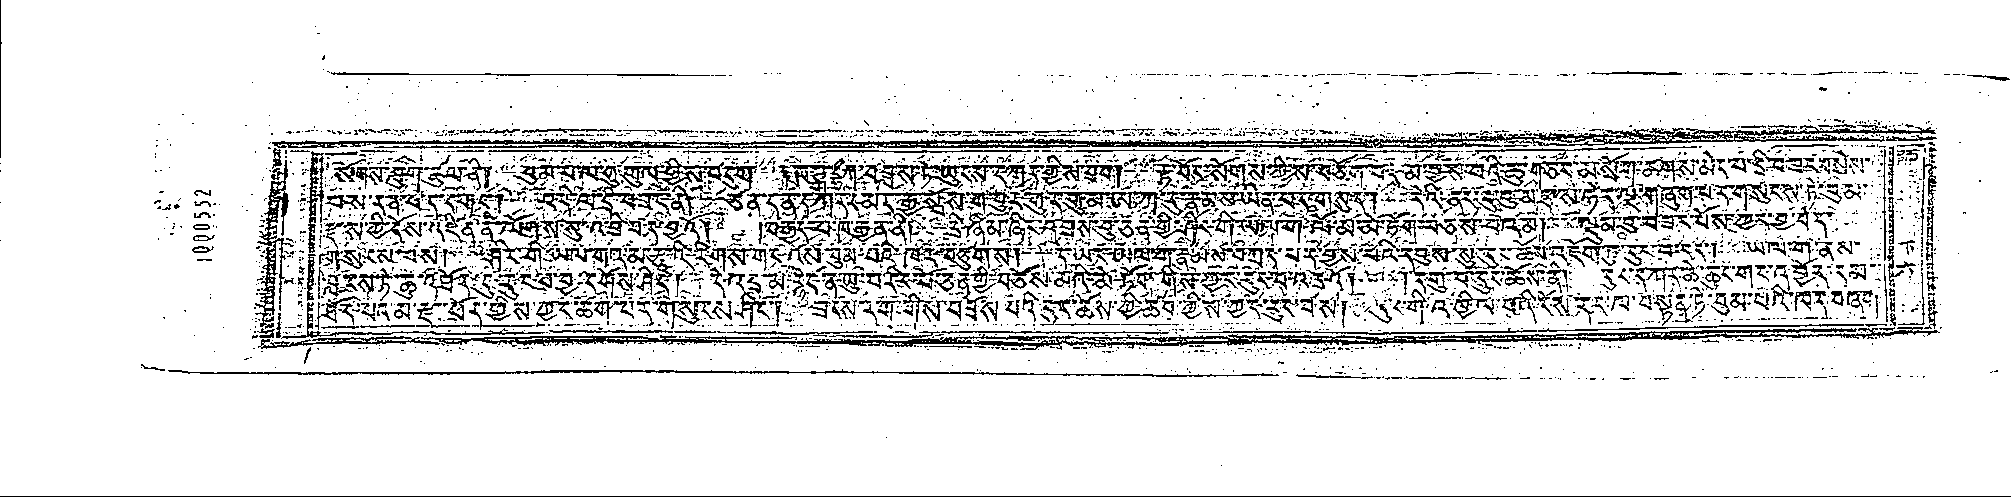སོགས་བླུག་ཚུལ་ནི། བུམ་པ་ལ་གུ་གུལ་གྱིས་བདུག །ཁཊྒ་དྷྲྀ་ཀ་བཟླས་ཏེ་ཡུངས་དཀར་གྱིས་བྲབ། རྟ་བོང་སོགས་ཀྱིས་བཙོག་པར་མ་བྱས་པའི་ཆུ་གཙང་མ་སྲོག་ཆགས་མེད་པ་དྲི་བཟང་བསྲེས་
པས་རན་པར་དགང་། འདི་ལ་དྲི་བཟང་ནི། ཙན་དན་དཀར་དམར་རྒྱ་སྤོས་ག་བུར་གུར་གུམ་ཨ་ཀ་རུ་རྣམས་ཡིན་པར་གསུངས། དེའི་ནང་དུ་བུམ་རྫས་ཉེར་ལྔ་གཞུག་པར་གསུངས་ཏེ་བུམ་
རྫས་ཀྱི་ངོས་འཛིན་ནི་ལོགས་སུ་འབྲི་བར་བྱའོ། །བརྒྱད་པ་ཁ་རྒྱན་ནི། དྲི་ཞིམ་ཞིང་འབྲས་བུ་ཅན་གྱི་ཤིང་གི་ཡལ་ག་ལོ་མ་མེ་ཏོག་བཅས་པའམ། ལྡུམ་བུ་བཟང་པོས་ཀྱང་བྱ་བར་
གསུངས་པས། ཤིང་གི་ཡལ་གའམ་རྩྭའི་རིགས་གང་འོས་བུམ་པའི་ཁར་བཙུགས། དེ་ཡང་ཡལ་ག་རྣམས་བཀྲད་པར་བྱས་པའི་དབུས་སུ་དུང་ཆོས་འཇིག་ཏུ་རུང་བ་དང་། ཡལ་ག་ནས་
བླངས་ཏེ་ཆུ་འཐོར་དུ་རུང་བ་བྱ་དགོས་ཤིང་། དེ་འདྲ་མ་རྙེད་ན་ཡུ་བ་རིང་པོ་ཅན་གྱི་བཅོས་མའི་མེ་ཏོག་གིས་ཀྱང་རུང་བ་འདྲའོ། །དགུ་པ་དུང་ཆོས་ནི། དུང་དཀར་ཆེ་ཆུང་གང་འབྱོར་རམ་
ཐོད་པའམ་རྫ་ཕོར་གྱིས་ཀྱང་ཆོག་པར་གསུངས་ཤིང་། ཟངས་རག་གིས་བཟོས་པའི་དུང་ཆོས་ཀྱི་ཚབ་ཀྱིས་ཀྱང་རུང་བས། དུང་གི་འཁྱིལ་བའི་ངོས་རང་ལ་བསྟན་ཏེ་བུམ་པའི་ཁར་བཞག་